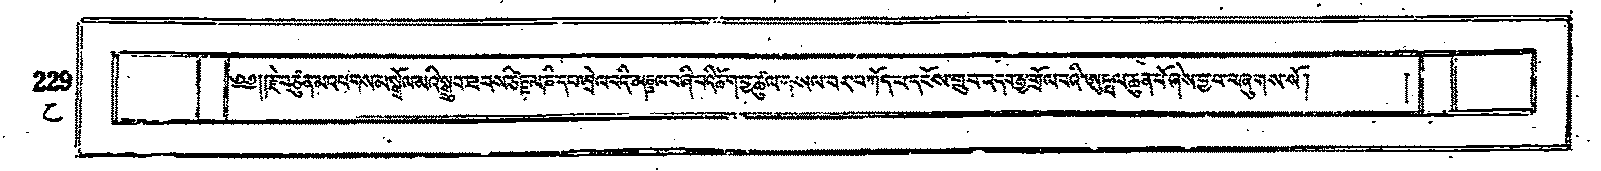༄༅། །རྗེ་བཙུན་མ་འཕགས་མ་སྒྲོལ་མའི་སྒྲུབ་ཐབས་ཙིཏྟ་མ་ཎི་དང་འབྲེལ་བའི་མཎྜལ་བཞི་པའི་ཆོ་ག་བྱ་ཚུལ་གསལ་བར་བཀོད་པ་དངོས་གྲུབ་འདབ་རྒྱ་གྲོལ་བའི་ཨུཏྤལ་ཆུན་པོ་ཞེས་བྱ་བ་བཞུགས་སོ། །